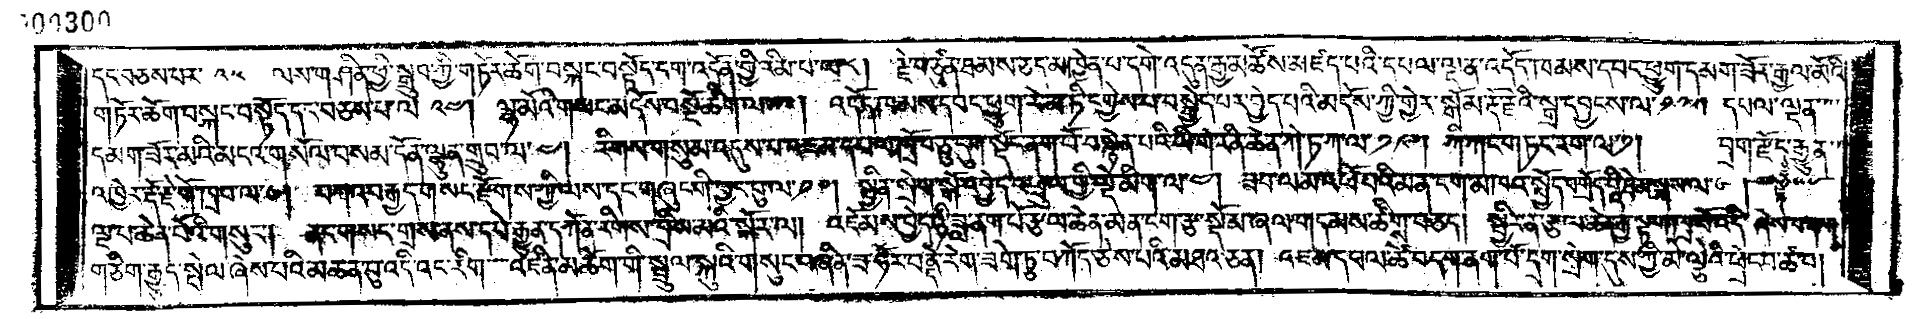དང་བཅས་པར ༢༢་ལས་གཤིན་ཕྱི་སྒྲུབ་ཀྱི་གཏོར་ཆོག་བསྐང་བསྟོད་ངག་འདོན་གྱི་རིམ་པ་ལ ༨། རྗེ་བཙུན་ཐམས་ཅད་མཁྱེན་པ་དགེ་འདུན་རྒྱ་མཚོས་མཛད་པའི་དཔལ་ལྡན་འདོད་ཁམས་དབང་ཕྱུག་དམག་ཟོར་རྒྱལ་མོའི་
གཏོར་ཆོག་བསྐང་བསྟོད་དང་བཅས་པ་ལ ༢༤། ལྷ་མོའི་གསང་མདོས་བསྔོ་ཚིག་ལ ༣། འདོད་ཁམས་དབང་ཕྱུག་རེ་མ་ཏི་དགྱེས་པ་བསྐྱེད་པར་བྱེད་པའི་མདོས་ཀྱི་གྱེར་སྒོམ་རྡོ་རྗེའི་སྒྲ་དབྱངས་ལ ༡༣། དཔལ་ལྡན་
དམག་ཟོར་མའི་མངའ་གསོལ་བསམ་དོན་ལྷུན་གྲུབ་ལ ༤། རིགས་གསུམ་འདུས་པ་འཇམ་དཔལ་ཁྲོ་བཅུ་དུག་སྡོང་ནག་པོ་བསྙེན་པའི་ཡི་གེ་རིན་ཆེན་ཀེ་ཏ་ཀ་ལ ༡༩། ཀི་ཀང་གཏང་རག་ལ ༡། བྲག་རྫོད་རྒྱུན་
འཁྱེར་རྡོ་རྗེ་གོ་ཁྲབ་ལ ༦། བཀའ་བརྒྱད་གསང་རྫོགས་ཀྱི་ལས་དང་གཞུང་གི་བྱང་བུ་ལ ༡༠། སྦྱིན་སྲེག་སྒོ་འབྱེད་འཕྲུལ་གྱི་ལྡེ་མིག་ལ ༤། ཟབ་ལམ་འཕོ་བའི་མན་ངག་མཁའ་སྤྱོད་བགྲོད་པཱི་ཐེམ་སྐས་ལ ༦། ?
ལྔ་པ་ཆེན་པོའི་གསུང་། ནང་གསང་གྲས་ནས་དཔེ་རྒྱུན་དཀོན་རིགས་བྲིས་མའི་སྐོར་ལ། འཇོམས་བྱེད་ཉི་ཟླ་ནག་པོ་རྩལ་ཆེན་མན་ངག་རྩ་སྡོམ་ཞལ་གདམས་ཚིགས་བཅད། སྦྱིར་ན་རྩལ་ཆེན་རྒྱ་སྟག་ཁྲ་བོ་འདི་ཞེས་པ་ནས།
གཅིག་རྒྱུད་སྤེལ་ཞེས་པའི་མཆན་བུ་འདི་འང་རིག་འཛིན་མཆོག་གི་སྤྲུལ་སྐུའི་གསུང་བཞིན་ཟ་ཧོར་བནྡེ་རེག་ཟེག་ཏུ་བཀོད་ཅེས་པའི་མཐའ་ཅན། འཇམ་དཔལ་ཚེ་བདག་ནག་པོ་དྲག་སྲེག་དུས་ཀྱི་མེ་ལྕེའི་ཕྲེང་བ་ཚ་བ།